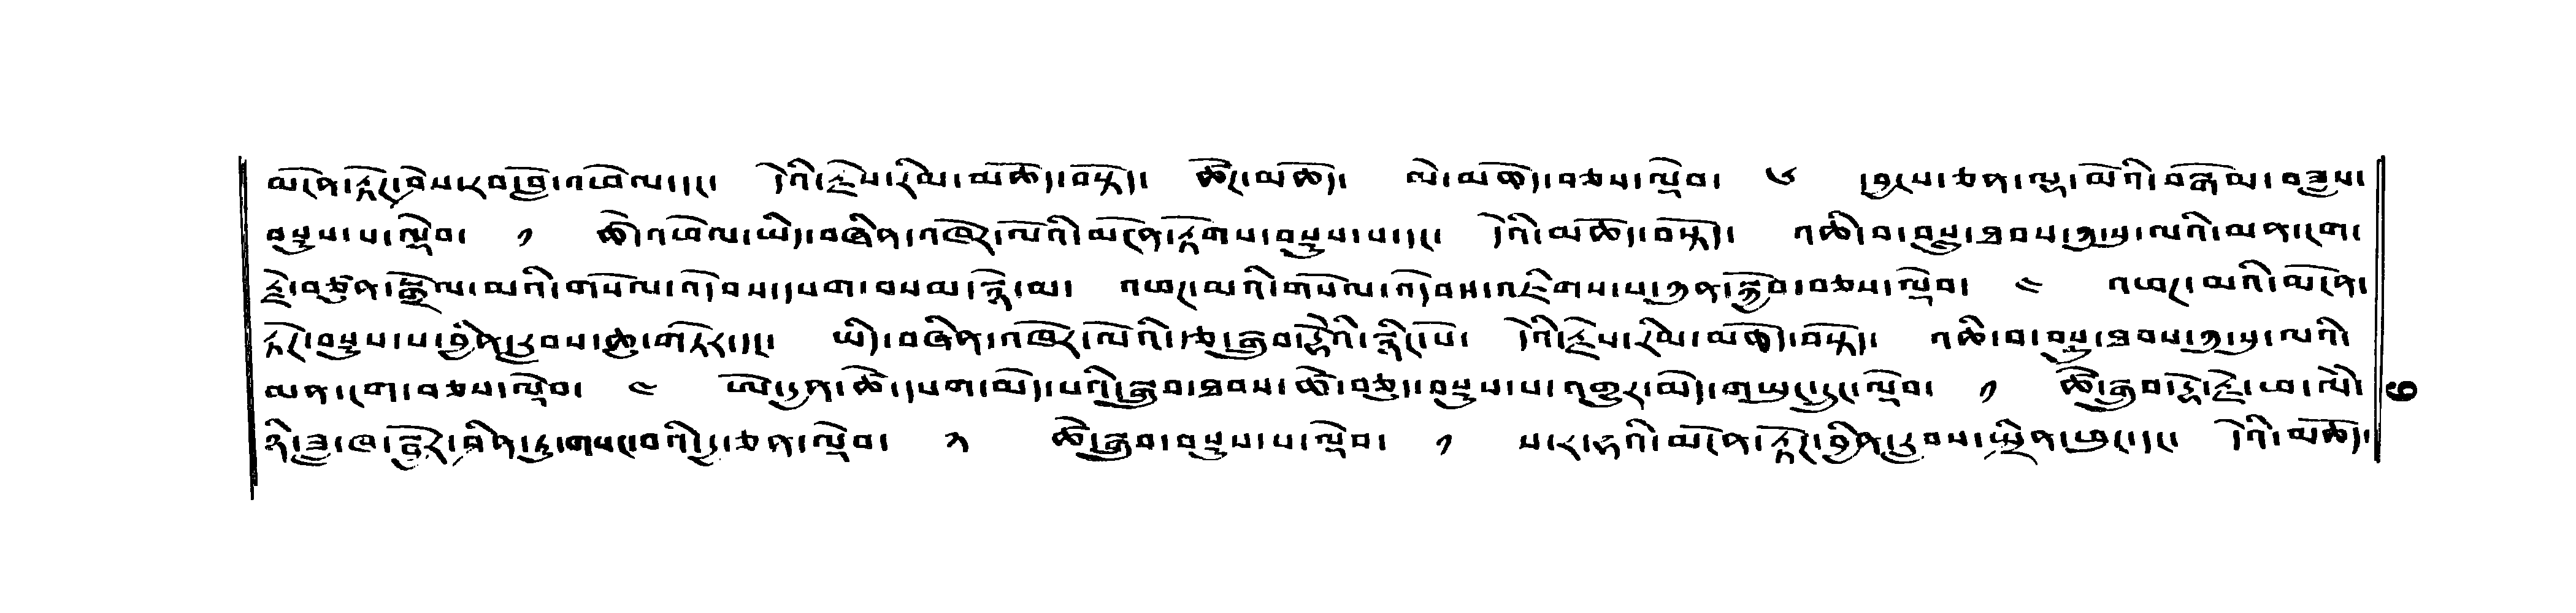མངོན་རྟོགས་ཤེས་རབ་བློ་འཕེལ་དང་། དེའི་རྗེས་རིམ་མཆོད་བསྟོད། ཚོགས་མཆོད། མེ་མཆོད་བཅས་ལྡེབ། དབྱངས་ཅན་ལྷ་མོའི་བསྒོམ་བཟླས་
བསྡུས་པ་ལྡེབ། ཚེ་འཕེལ་ཡིད་བཞིན་འཁོར་ལོའི་མངོན་རྟོགས་བསྡུས་པ་དང་། དེའི་མཆོད་བསྟོད། འཆི་བ་བསླུ་ཐབས་ཀུ་ས་ལིའི་མན་ངག་
རྗེ་བཙུན་སྒྲོལ་མའི་གསོལ་འདེབས་དཔག་བསམ་སྙེ་མ། འཕགས་མའི་གསོལ་འདེབས་འཇིགས་པ་ཀུན་སྐྱོབ་བཅས་ལྡེབ། འཕགས་མའི་མངོན་
རྟོགས་བསྡུས་པ་བྱིན་རླབས་ཆུ་གཏེར་དང་། ཡིད་བཞིན་འཁོར་ལོའི་རྩ་སྒྲུབ་རྡོ་རྗེའི་སྙིང་པོ། དེའི་རྗེས་རིམ་མཆོད་བསྟོད། འཆི་བ་བསླུ་ཐབས་ཀུ་ས་ལིའི་
མན་ངག་བཅས་ལྡེབ། ཨོ་རྒྱན་ཚེ་དཔག་མེད་པའི་སྒྲུབ་ཐབས་ཚེ་བཅུད་བསྡུས་པ་འགྱུར་མེད་གཡུང་དྲུང་ལྡེབ། ཚེ་སྒྲུབ་རྡོ་རྗེ་ཕ་ལམ་
ཉི་ཟླ་ཁ་སྦྱོར་ཤིན་ཏུ་གསང་བའི་རྒྱ་ཅན་ལྡེབ། ཚེ་སྒྲུབ་བསྡུས་པ་ལྡེབ། ས་ར་ཧའི་མངོན་རྟོགས་བྱིན་རླབས་སྤྲིན་ཕུང་དང་། དེའི་མཆོད་